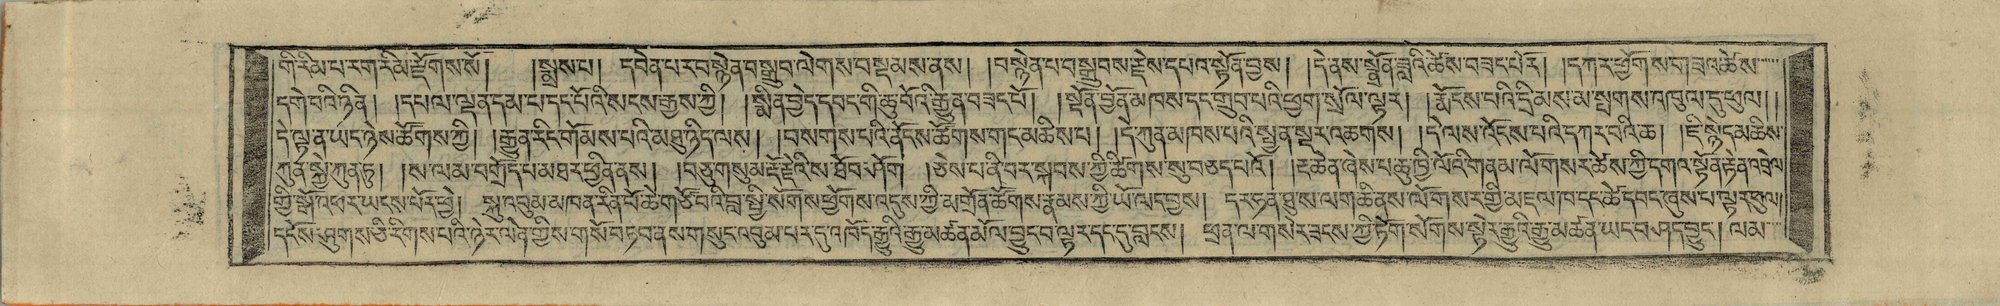གི་རིམ་པ་རག་རིམ་རྫོགས་སོ། །སྨྲས་པ། དཔོན་པར་བསྙེན་བསྒྲུབ་ལེགས་བསྡམས་ནས། །བསྙེན་པ་བསྒྲུབས་རྗེས་དཔའ་སྟོན་བྱས། །དེ་ནས་སྣྲོན་ཟླའི་ཚེས་བཟང་པོར། །དཀར་ཕྱོགས་གཟའ་ཚེས་
དགེ་བའི་ཉིན། །དཔལ་ལྡན་དམ་པ་དང་པོའི་སངས་རྒྱས་ཀྱི། །སྨིན་བྱེད་དབང་གི་ཆུ་བོའི་རྒྱུན་བཟང་པོ། །སྔོན་བྱོན་མཁས་དང་གྲུབ་པའི་ཕྱག་སྲོལ་ལྟར། །རྨོངས་པའི་དྲི་མས་མ་སྤགས་འཁུལ་དུ་ཕུལ། །
དེ་ལྟ་ན་ཡང་ཉེས་ཚོགས་ཀྱི། །རྒྱུན་རིང་གོམས་པའི་མཐུ་ཉིད་ལས། །བསགས་པའི་ནོངས་ཚོགས་གང་མཆིས་པ། །དེ་ཀུན་མཁས་པའི་སྤྱན་སྔར་འཆགས། །དེ་ལས་འོངས་པའི་དཀར་བའི་ཆ། །ཇི་སྙེད་མཆིས་
ཀུན་སྐྱེ་ཀུན་ཏུ། །ས་ལམ་བགྲོད་པ་མཐར་ཕྱིན་ནས། །བཅུ་གསུམ་རྡོ་རྗེའི་ས་ཐོབ་ཤོག །ཅེས་པ་ནི་བར་སྐབས་ཀྱི་ཚིགས་སུ་བཅད་པའོ། །རྔ་ཆེན་ཞེས་པ་ཆུ་ཁྱི་ལོའི་གནམ་ལོ་གསར་ཚེས་ཀྱི་དགའ་སྟོན་རྟེན་འབྲེལ་
གྱི་སྒོ་འཕར་ཡངས་པོར་ཕྱེ། སྐུ་འབུམ་མཁན་རིན་པོ་ཆེ་གཙོ་བའི་བླ་སྤྱི་སོགས་ཕྱོགས་འདུས་ཀྱི་མགྲོན་ཚོགས་རྣམས་ཀྱི་ཡོ་ལང་བྱས། དར་ཧན་ཐུ་ས་ལག་ཆི་ནས་ལོ་གསར་གྱི་མཇལ་ཁ་དང་ཚེ་དབང་ཞུས་པ་ལྟར་ཕུལ།
དངོས་ཤུགས་ཅི་རིགས་པའི་ཉེར་ལེན་གྱིས་གསོ་བཏབ་ནས་གསུང་འབུམ་པར་དུ་འཁོད་རྒྱུའི་རྒྱུ་མཚན་མོལ་བྱུང་བ་ལྟར་དང་དུ་བླངས། ཕྲན་ལ་གསེར་ཟངས་ཀྱི་ཏོག་སོགས་སྟེར་རྒྱུའི་རྒྱུ་མཚན་ཡང་བཤད་བྱུང་། ལམ་